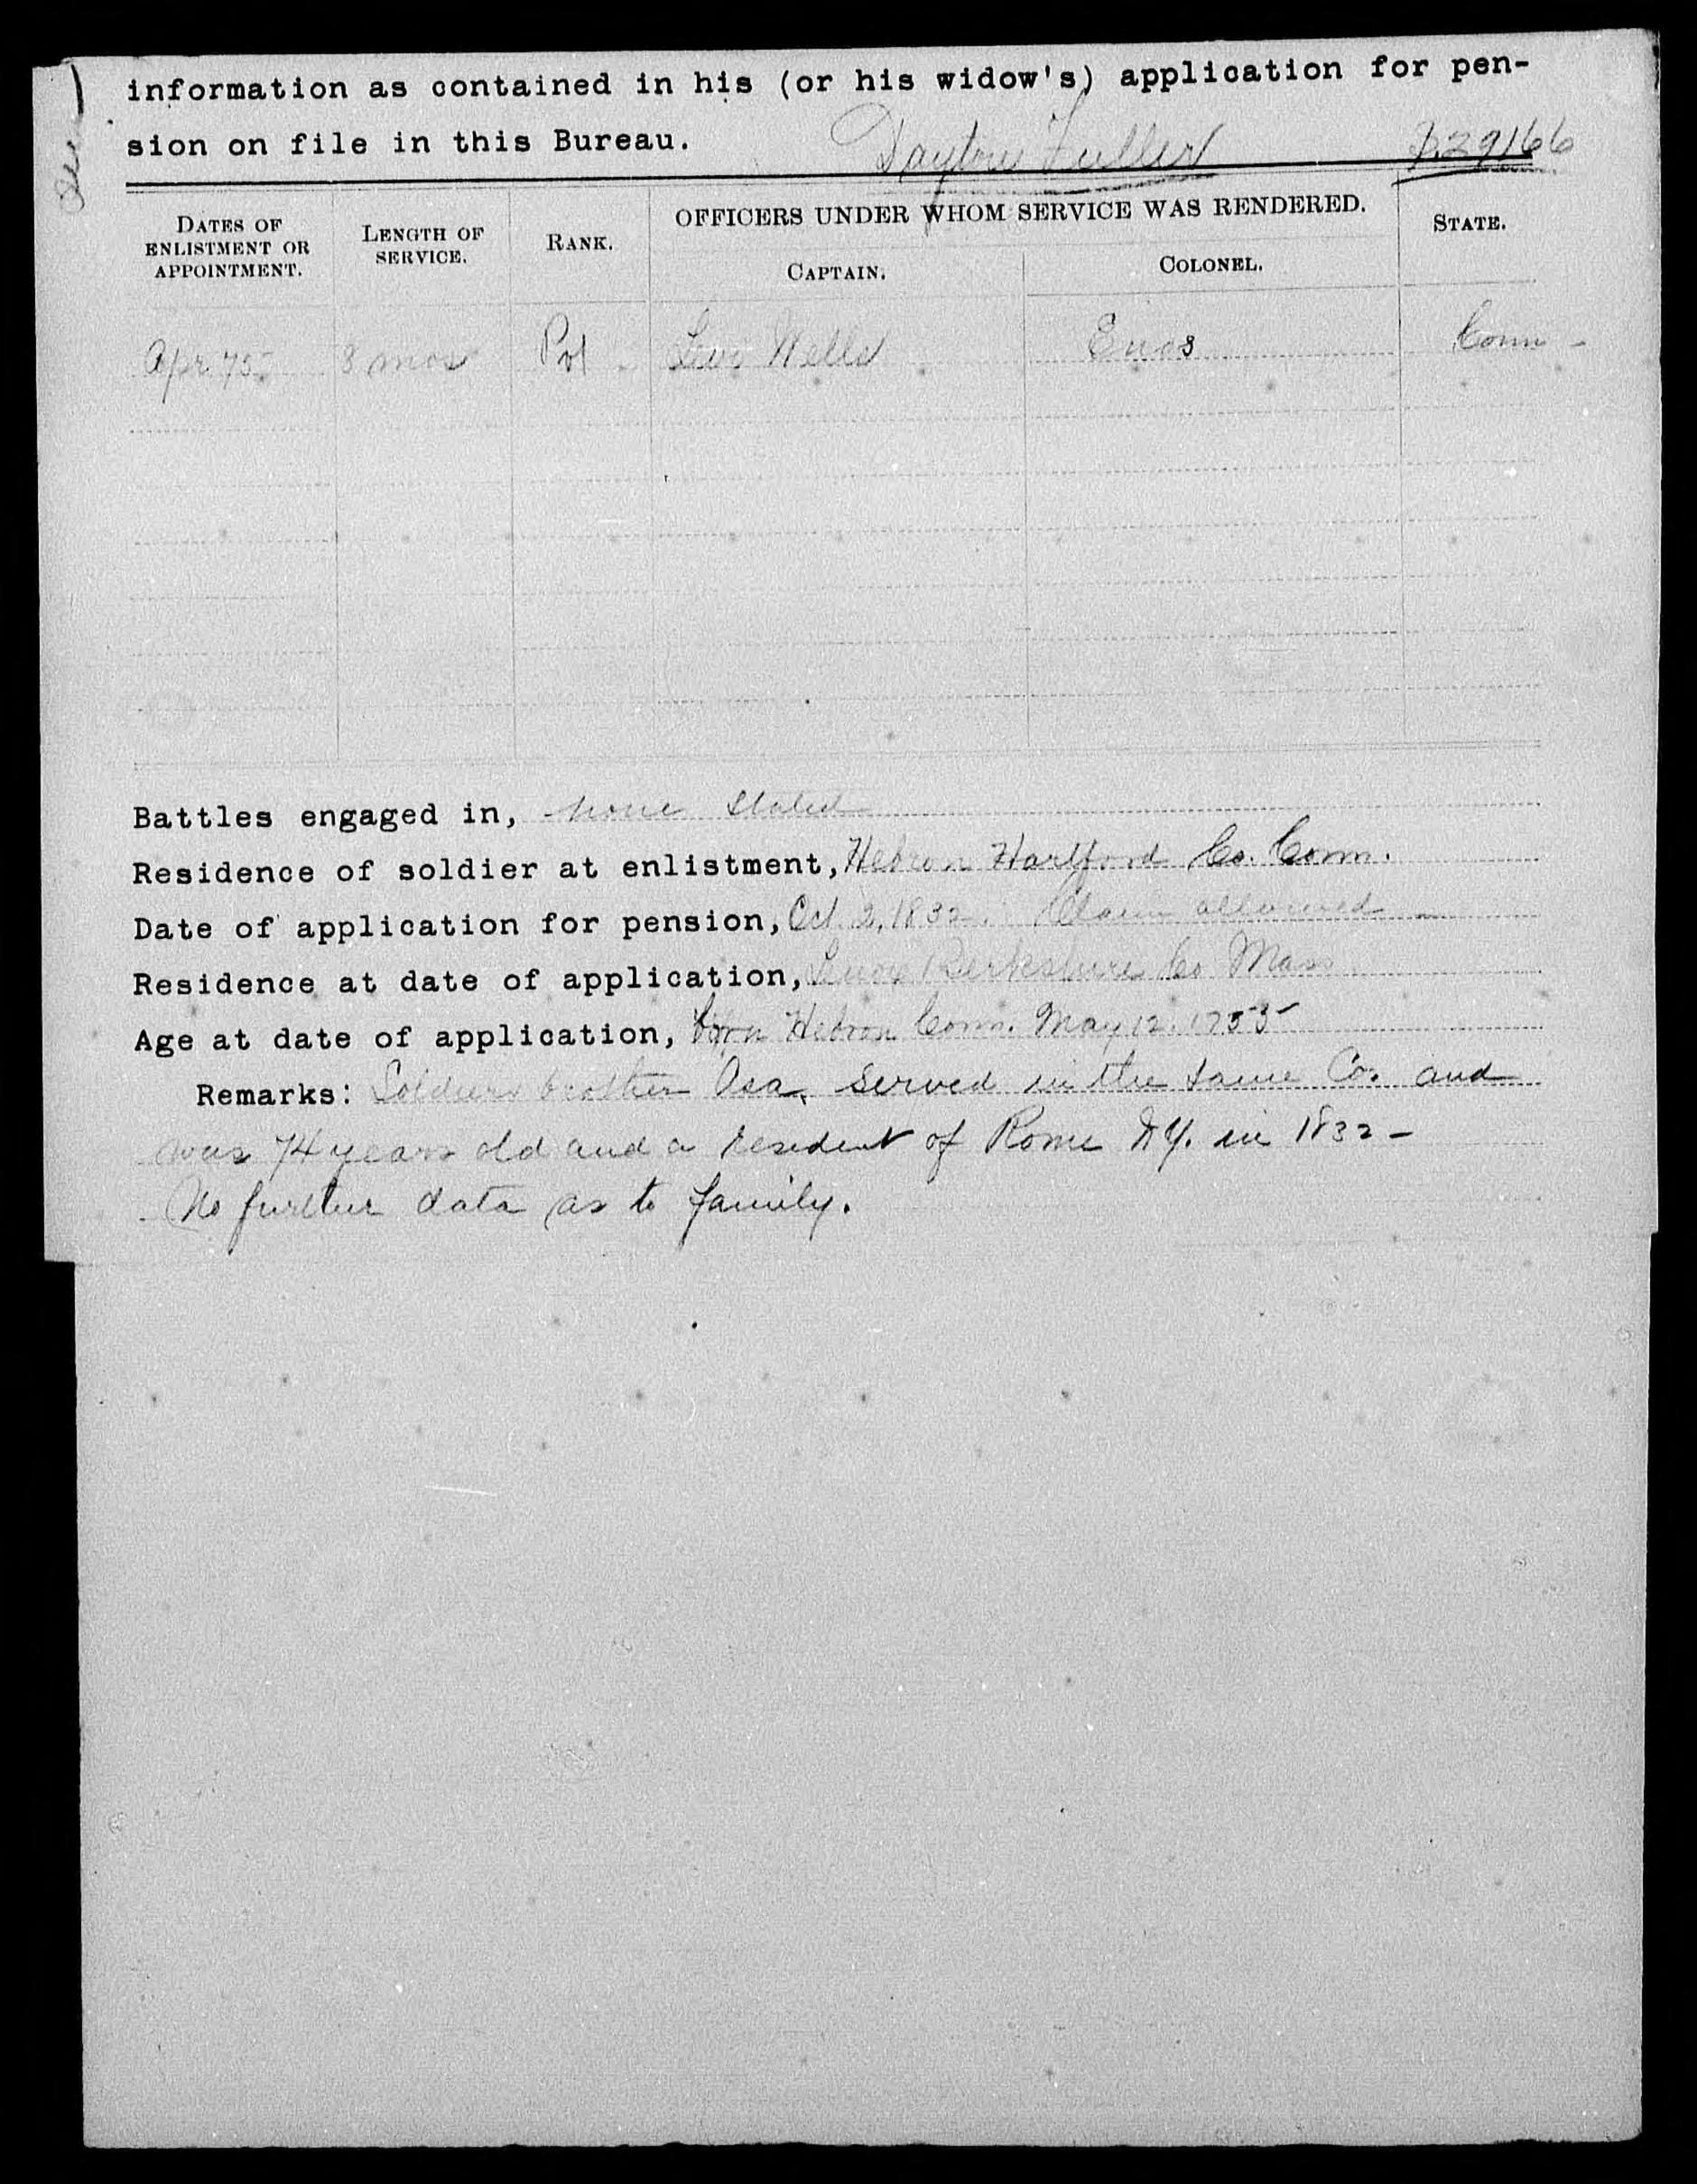information as contained in his (or his widow's) application for pension on file in this Bureau.
Dayton Fuller S.29166
DATES OF ENLISTMENT OR APPOINTMENT. | LENGTH OF SERVICE. | RANK. | OFFICERS UNDER WHOM SERVICE WAS RENDERED. | | STATE.
| | | CAPTAIN. | COLONEL. |
Apr 75. | 8 mos | Pvt | Levi Wells | Enos | Conn.
Battles engaged in, none stated
Residence of soldier at enlistment, Hebron Hartford Co. Conn.
Date of application for pension, Oct. 2, 1832. Claim allowed
Residence at date of application, Lenox Berkshire Co. Mass
Age at date of application, born Hebron Conn May 12 1755
Remarks: Soldiers brother Asa, served in the same Co. and 
was 74 years old and a resident of Rome NY. in 1832 - no further data as to family.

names: Enos, Asa, Levi Wells, Dayton Fuller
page: 11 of 15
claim: survivor's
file: S. 29,166, Dayton Fuller, Conn.